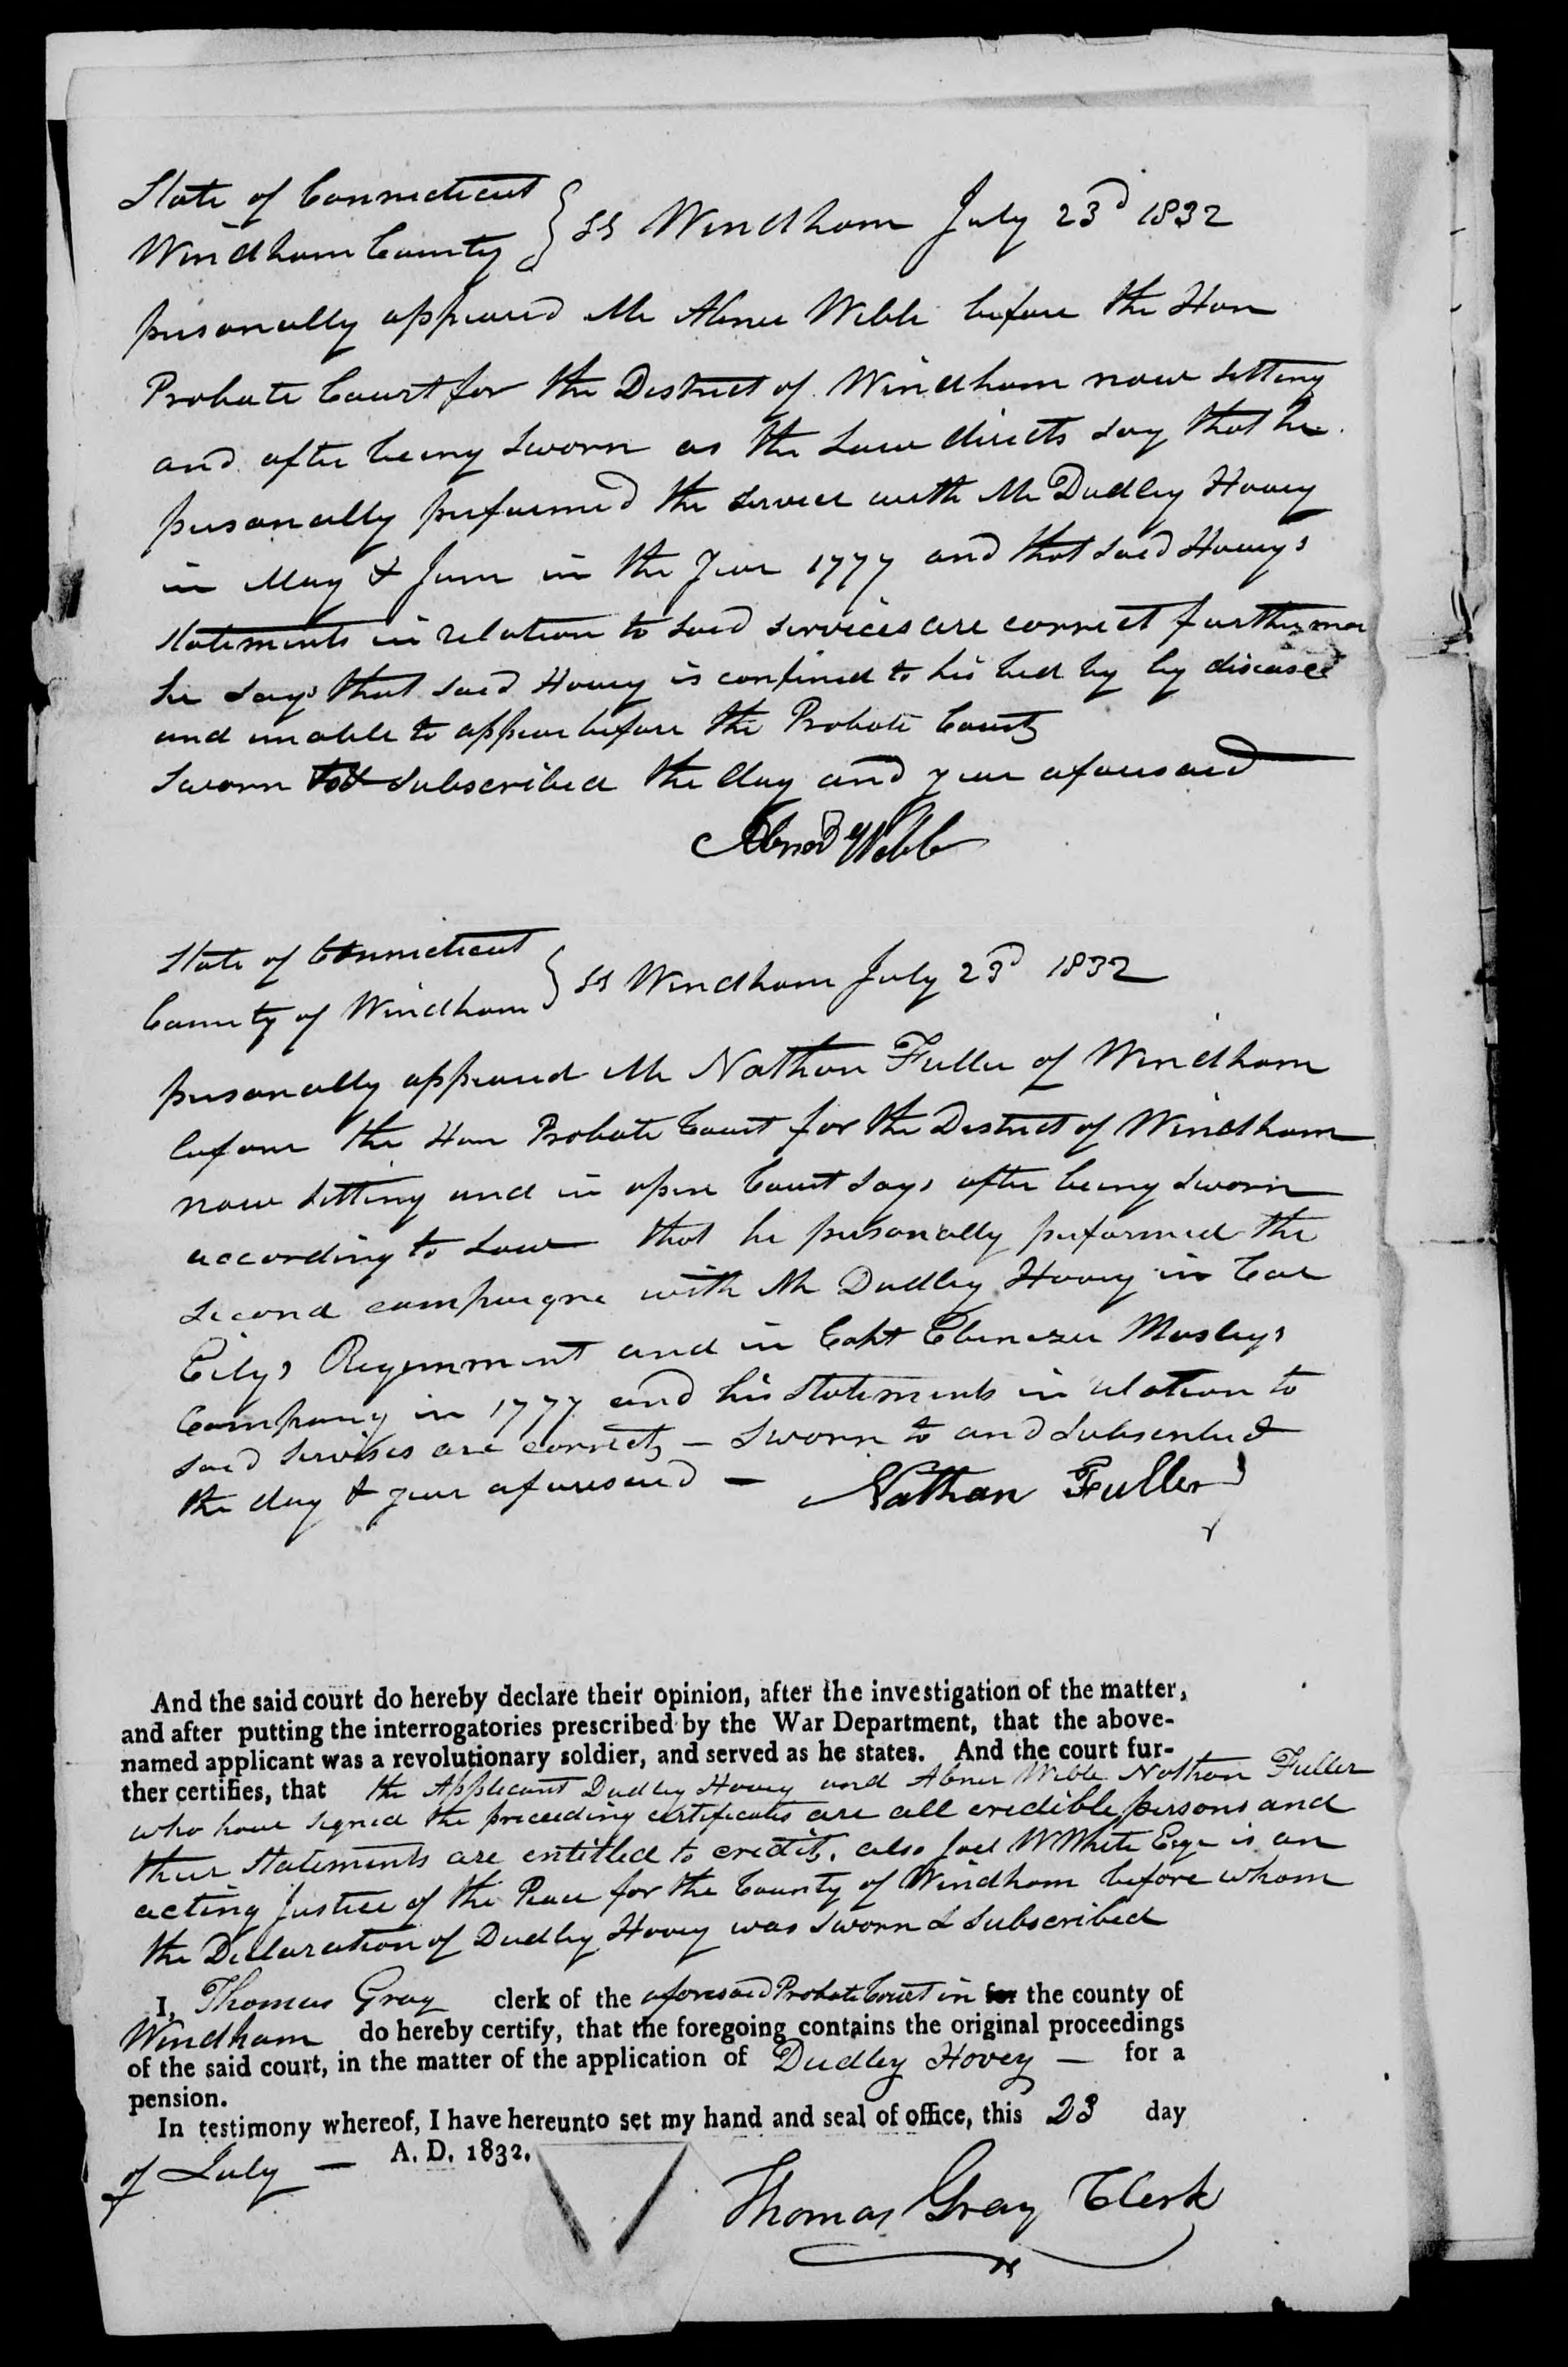State of Connecticut
Windham County  | LS Windham July 23d 1832

Personally appeared Mr. Abner Webb before the Hon
Probate Court for the District of Windham now sitting
and after being sworn as the Law directs say that he
personally performed the service with Mr. Dudley Hovey
in May & Jun in the Year 1777 and that said Hovey's
statements in relation to said services are correct furthermore
he says that said Hovey is confined to his bed by by disease
and unable to appear before the Probate Court
sworn to & subscribed the day and year aforesaid.
      [signed] Abner Webb

State of Connecticut
County of Windham | LS  Windham July 23d 1832

Personally appeared Mr. Nathan Fuller of Windham
before the Hon Probate Court for the District of Windham
now sitting and in upon Court day, after being sworn
according to Law that he personally performed the
second campaign with Mr. Dudley Hovey in Col
Eily's Regiment and in Capt Ebenezer Mosley's
Company in 1777 and his statements in relation to
said services are correct - sworn to and subscribed
the day & year aforesaid.
      [signed] Nathan Fuller

[printed]
And the said court do hereby declare their opinion, after the investigation of the matter,
and after putting the interrogatories prescribed by the War Department, that the above-
named applicant was a revolutionary soldier, and served as he states. And the court further
certifies that [handwritten] the Applicant Dudley Hovey and Abner Webb Nathan Fuller
who have signed the preceding certificates are all credible persons and
their statements are entitled to credit, also Joel W. White Esq is an
acting Justice of the Peace for the County of Windham before whom
the Declaration of Dudley Hovey was sworn & subscribed

[printed with handwritten names and places] I, Thomas Gray clerk of the aforesaid Probate Court in the county of
Windham do hereby certify, that the foregoing contains the original proceedings
of the said court, in the matter of the application of Dudley Hovey for a
pension.
In testimony whereof, I have hereunto set my hand and seal of office, this 23 day
of July A.D. 1832
[signed] Thomas Gray Clerk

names: Thomas Gray, Nathan Fuller, Dudley Hovey, Abner Webb, Joel W White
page: 7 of 13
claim: survivor's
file: S. 18451, Dudley Hovey, Conn.